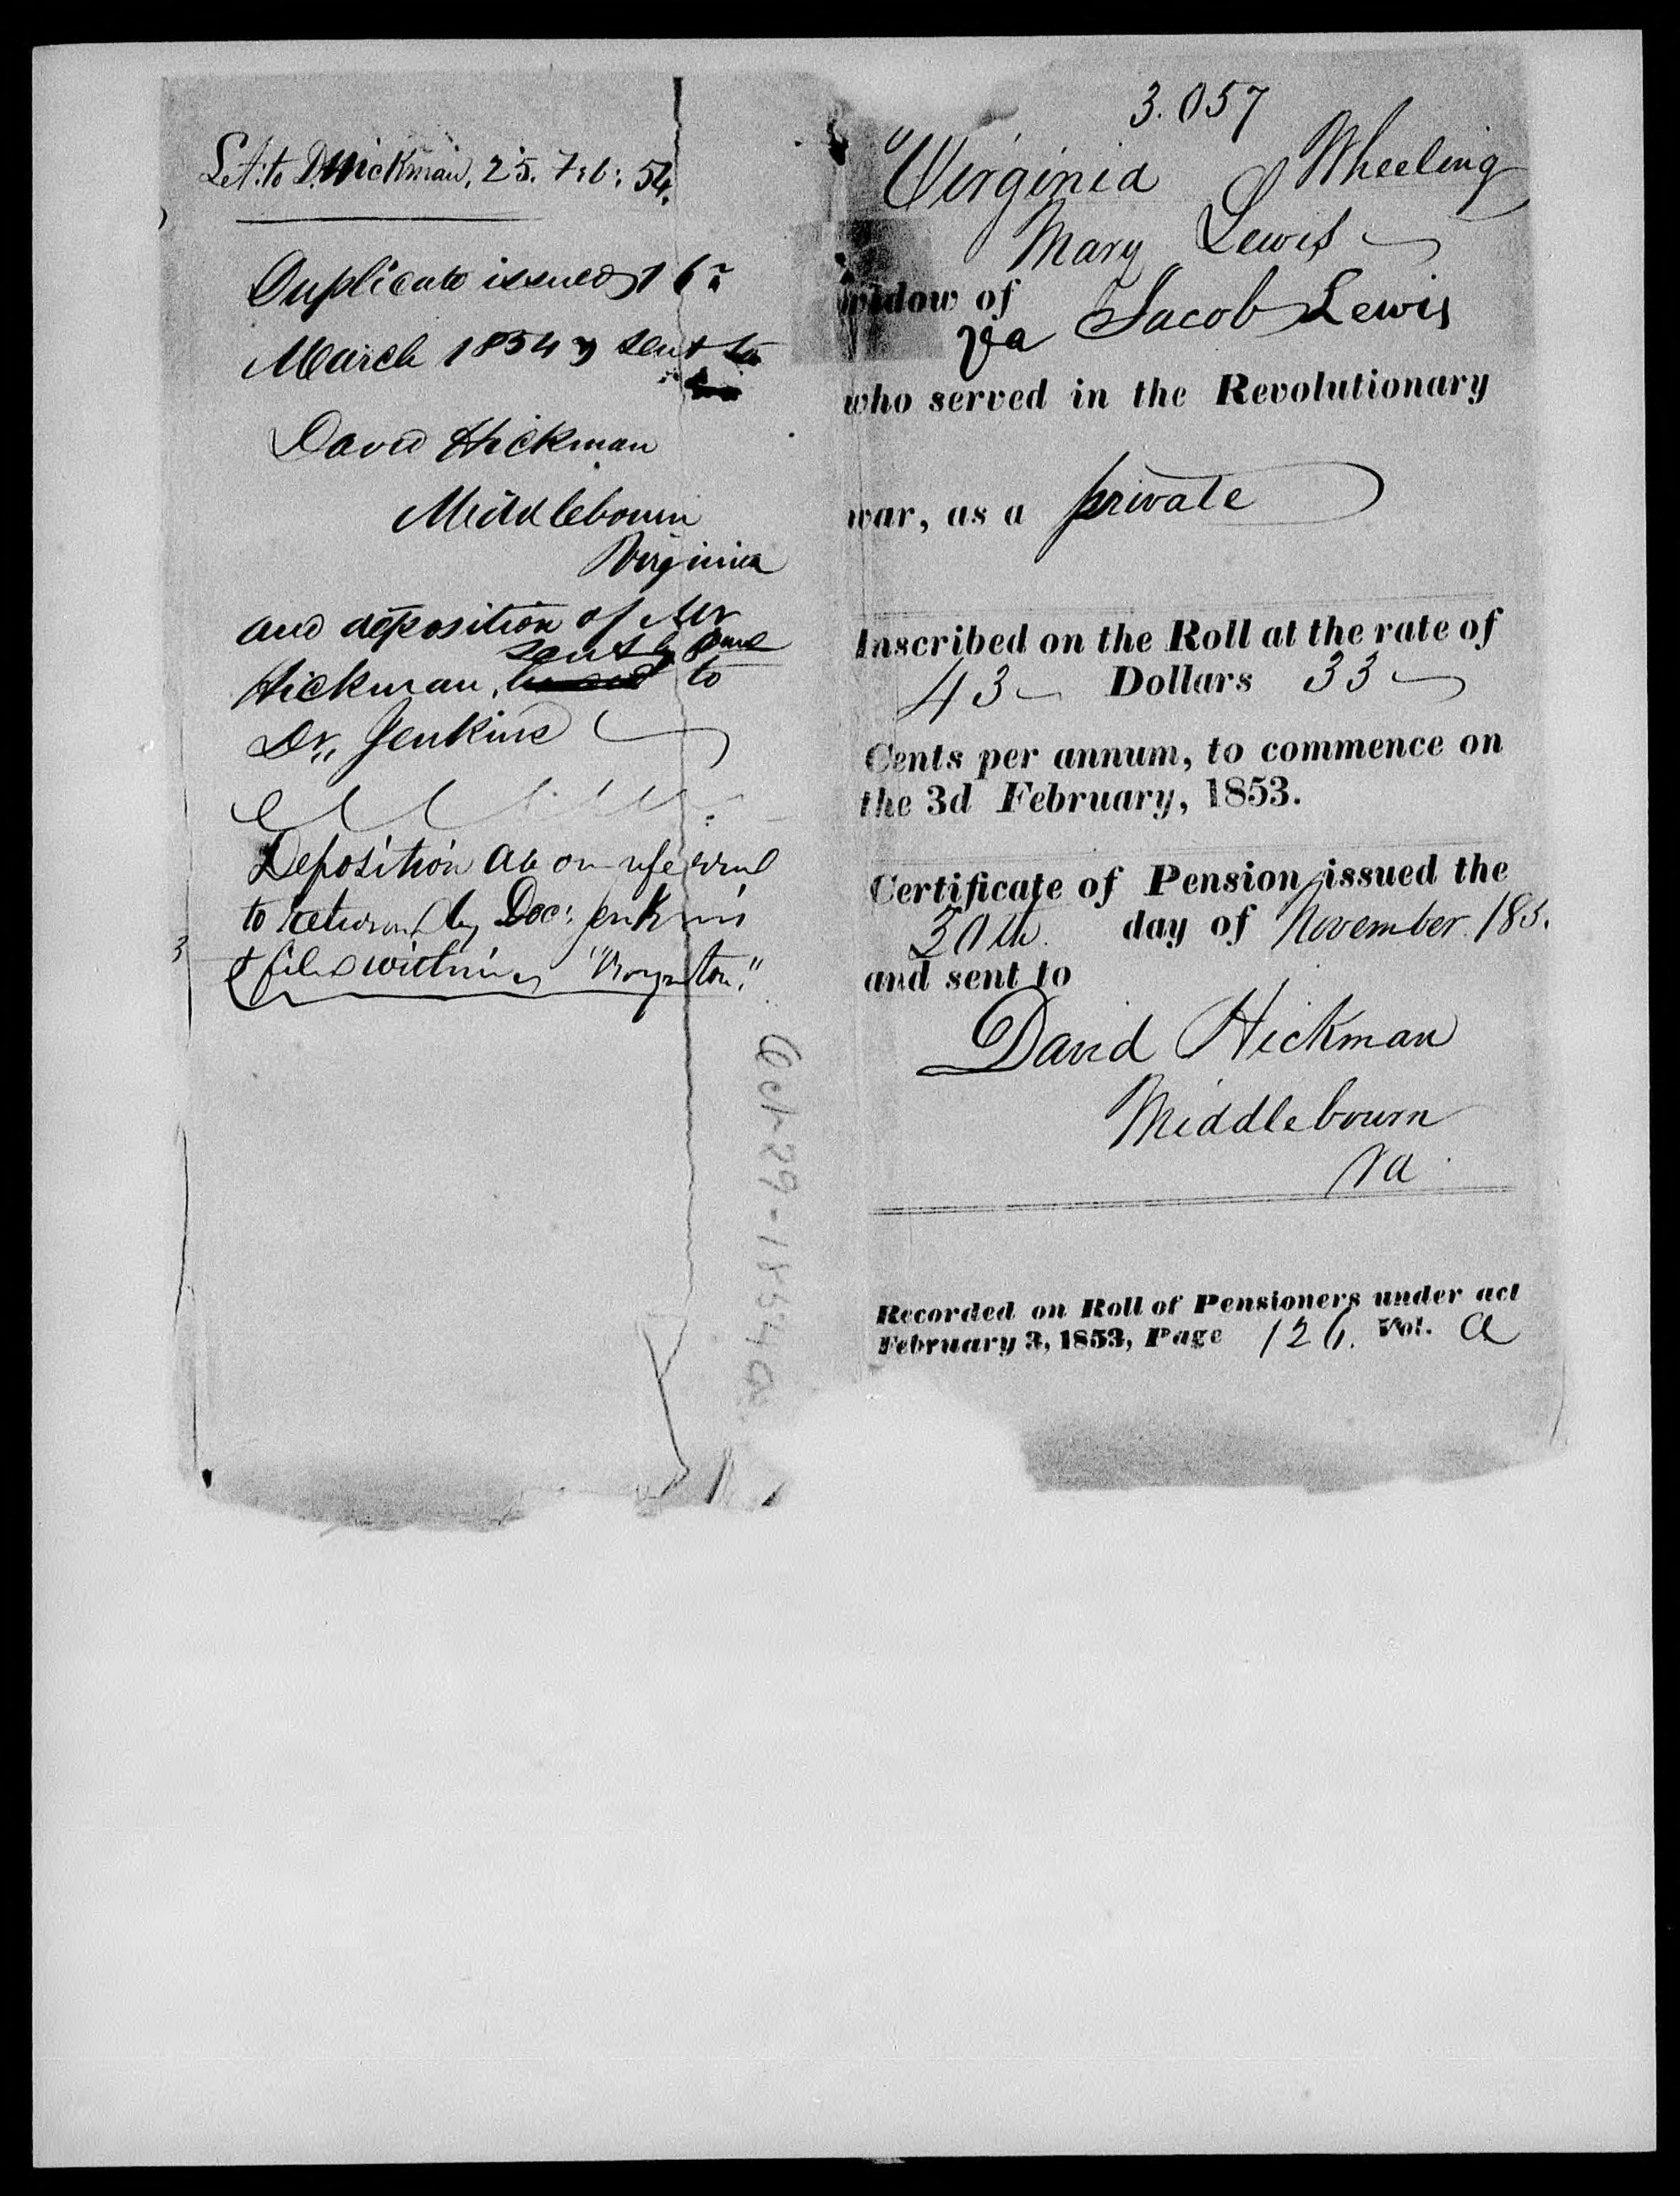(left side)
Let to D. Wickman, 25 Feb: 54

Duplicate issued 16 March 1854 & sent to David Hickman Middlebourn Virginia and deposition of Mr Hickman sent to Dr. Jenkins
Deposition Ab on referral to returned by Doc: Jenkins & filed within as "Boynton"

(written vertically)
Oct. 29 - 1854 AB

(right side)
3057
Virginia Wheeling
Mary Lewis
widow of Jacob Lewis Va who served in the Revolutionary war, as a private

Inscribed on the Roll at the rate of 43 Dollars 33 Cents per annum, to commence on the 3d February, 1853.

Certificate of Pension issued the 30th day of November 183(last number not visible) and sent to David Hickman
Middlebourn Va

Recorded on Roll of Pensioners under act February 3, 1853, Page 126. Vol. A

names: David Hickman; Mary Lewis; [BLANK] Jenkins; Jacob Lewis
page: 2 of 69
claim: widow's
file: W 8044, for Jacob Lewis, Virginia